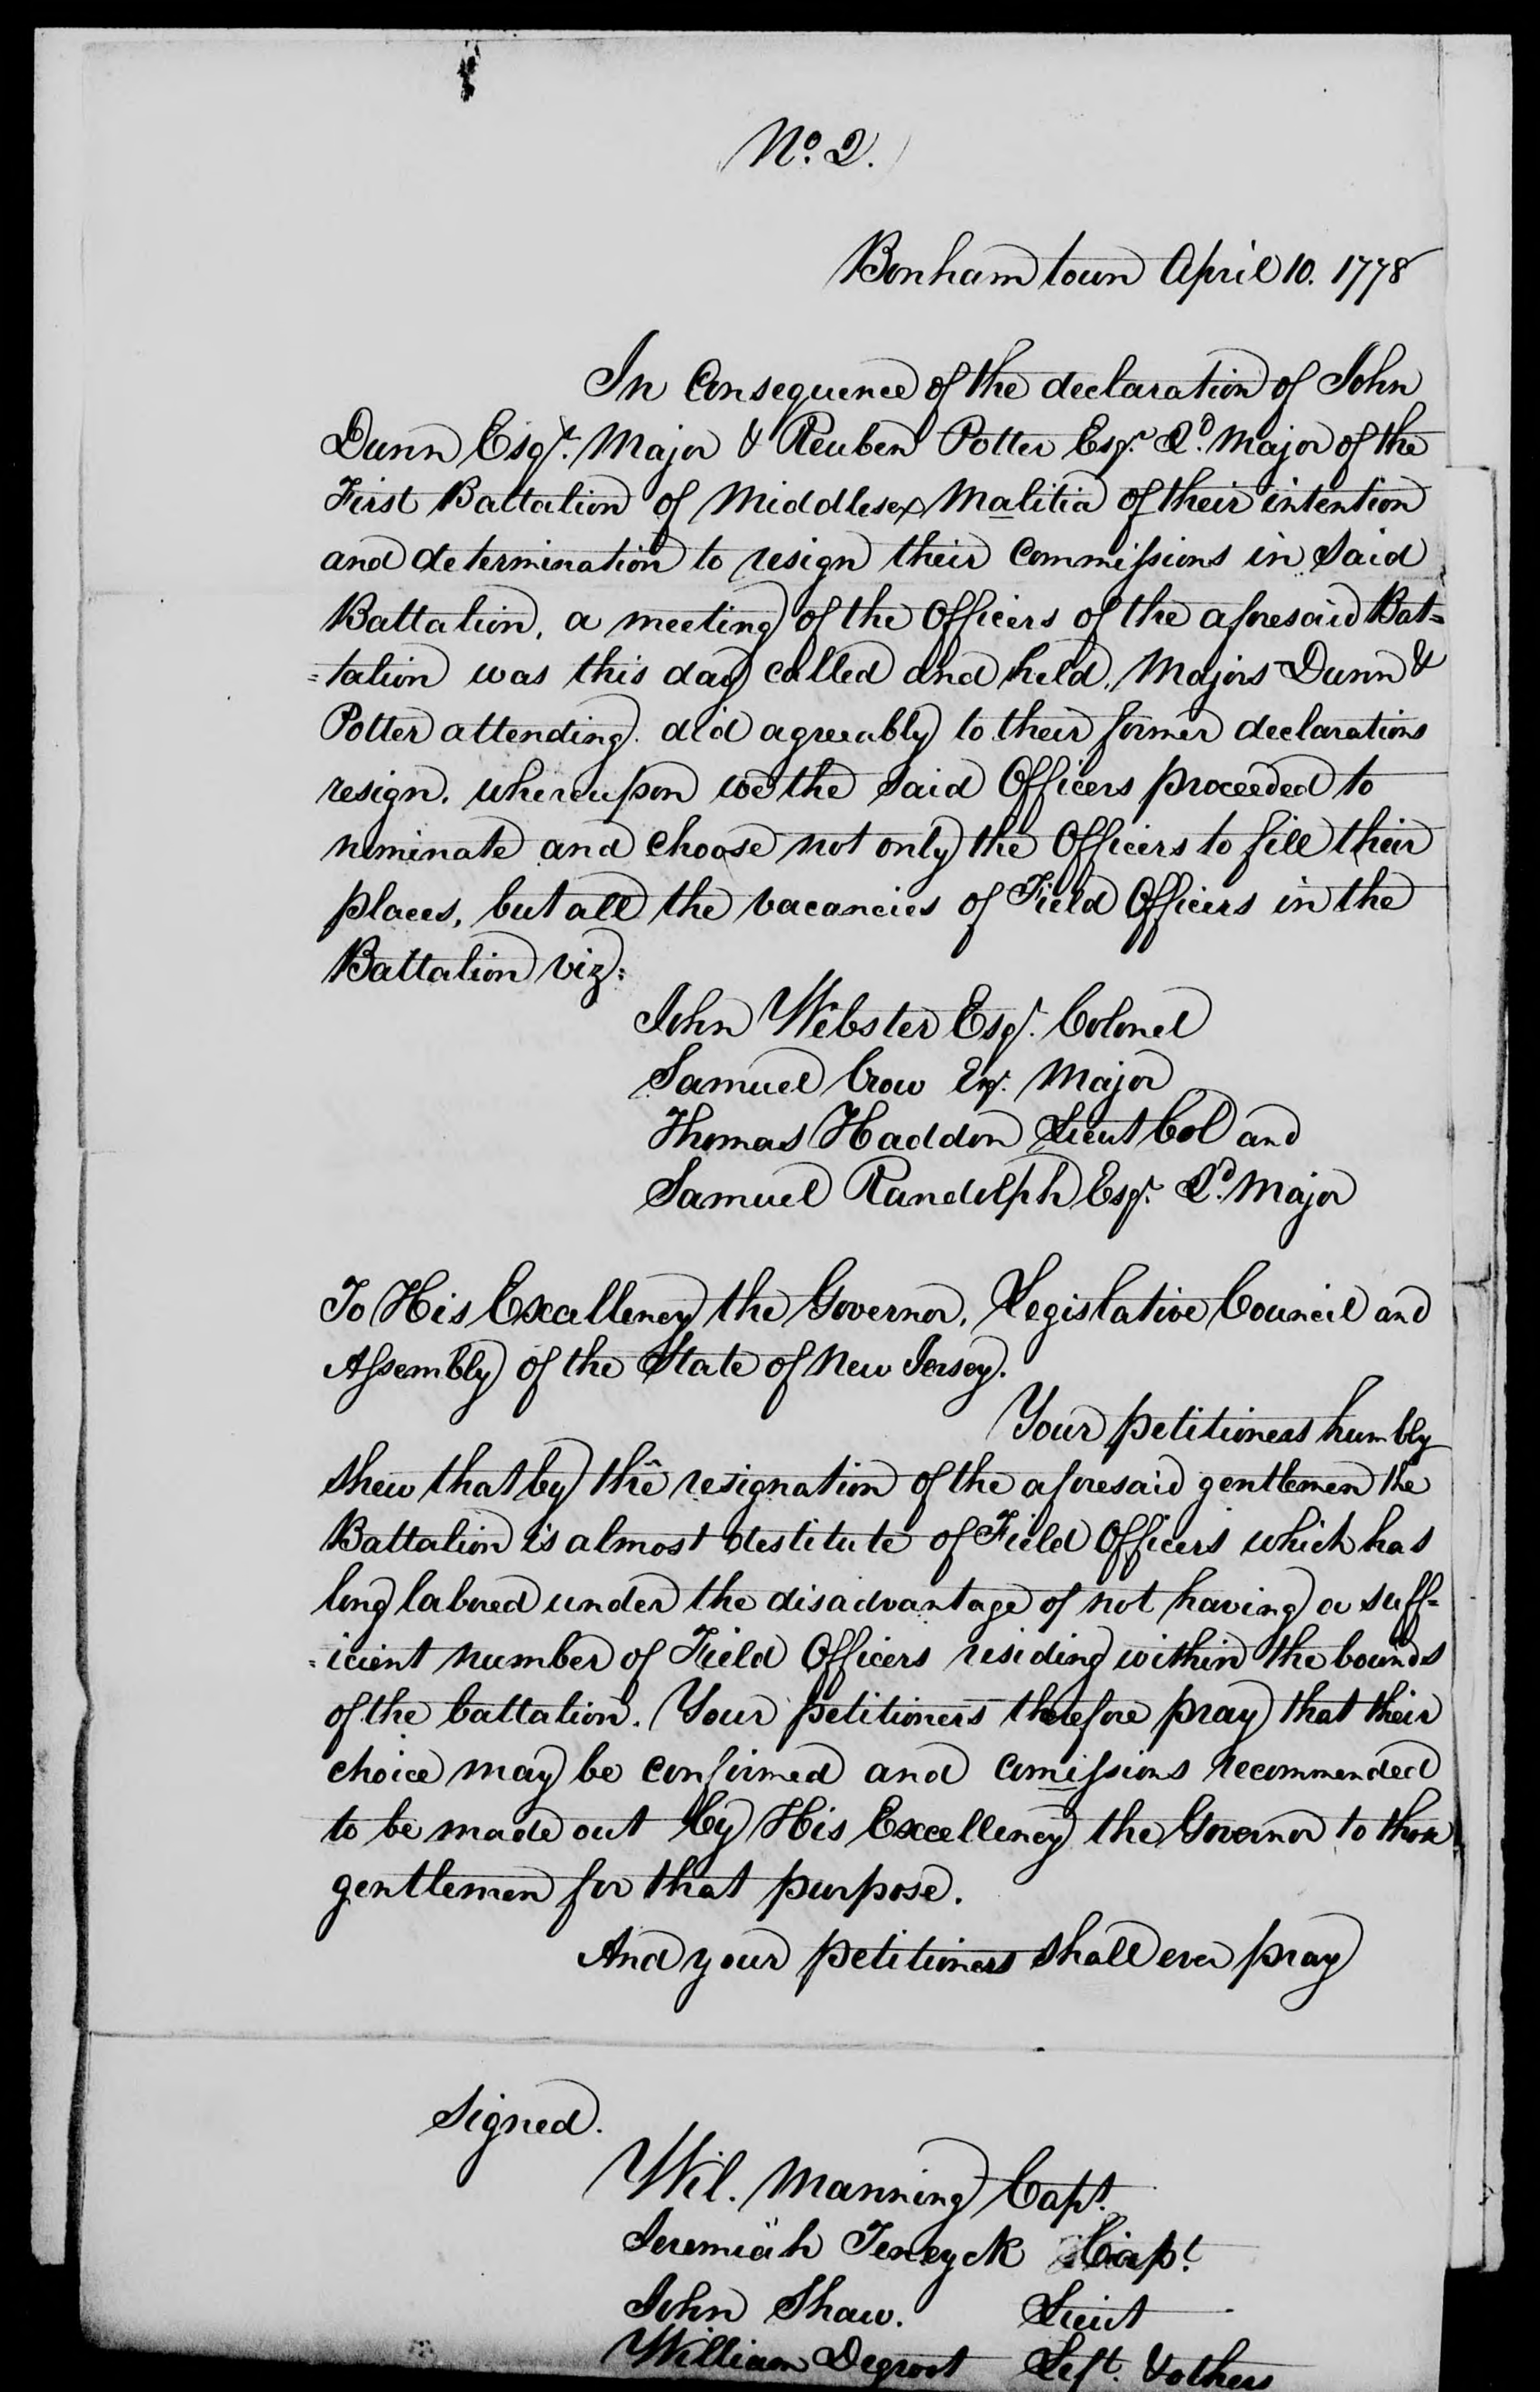No. 2.
Bonhamtown April 10. 1778
In consequence of the declaration of John Dunn Esqr. Major & Reuben Potter Esqr 2d Major of the First Battalion of Middlesex Malitia of their intention and determination to resign their commissions in said Battalion, a meeting of the Officers of the aforesaid Battalion was this day called and held. Majors Dunn & Potter attending did agreeably to their former declarations resign, whereupon we the said Officers proceeded to nominate and choose not only the Officers to fill their places, but all the vacancies of Field Officers in the Battalion viz:
John Webster Esqr. Colonel
Samuel Crow Esqr. Major
Thomas Haddon Lieut Col and
Samuel Randolph Esqr. 2d Major
To His Excellency the Governor, Legislative Council and Assembly of the State of New Jersey.
Your petitioners humbly shew that by the resignation of the aforesaid gentlemen the Battalion is almost destitute of Field Officers which had long labored under the disadvantage of not having a sufficient number of Field Officers residing within the bounds of the battalion. Your petitioners therefore pray that this choice may be confirmed and commissions recommended to be made out by His Excellency the Governor to these gentlemen for that purpose.
And your petitioners shall ever pray
Signed.
Wil. Manning Capt.
Jeremiah Teneyck Capt.
John Shaw Lieut
William Degroot Lef't. & others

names: Jeremiah Teneyck, Wil Manning, John Shaw, John Webster, Thomas Haddon, William Degroot, Samuel Crow, Reuben Potter, John Dunn, Dunn, Potter, Samuel Randolph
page: 44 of 77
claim: widow's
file: W. 417, William De Groot, New Jersey